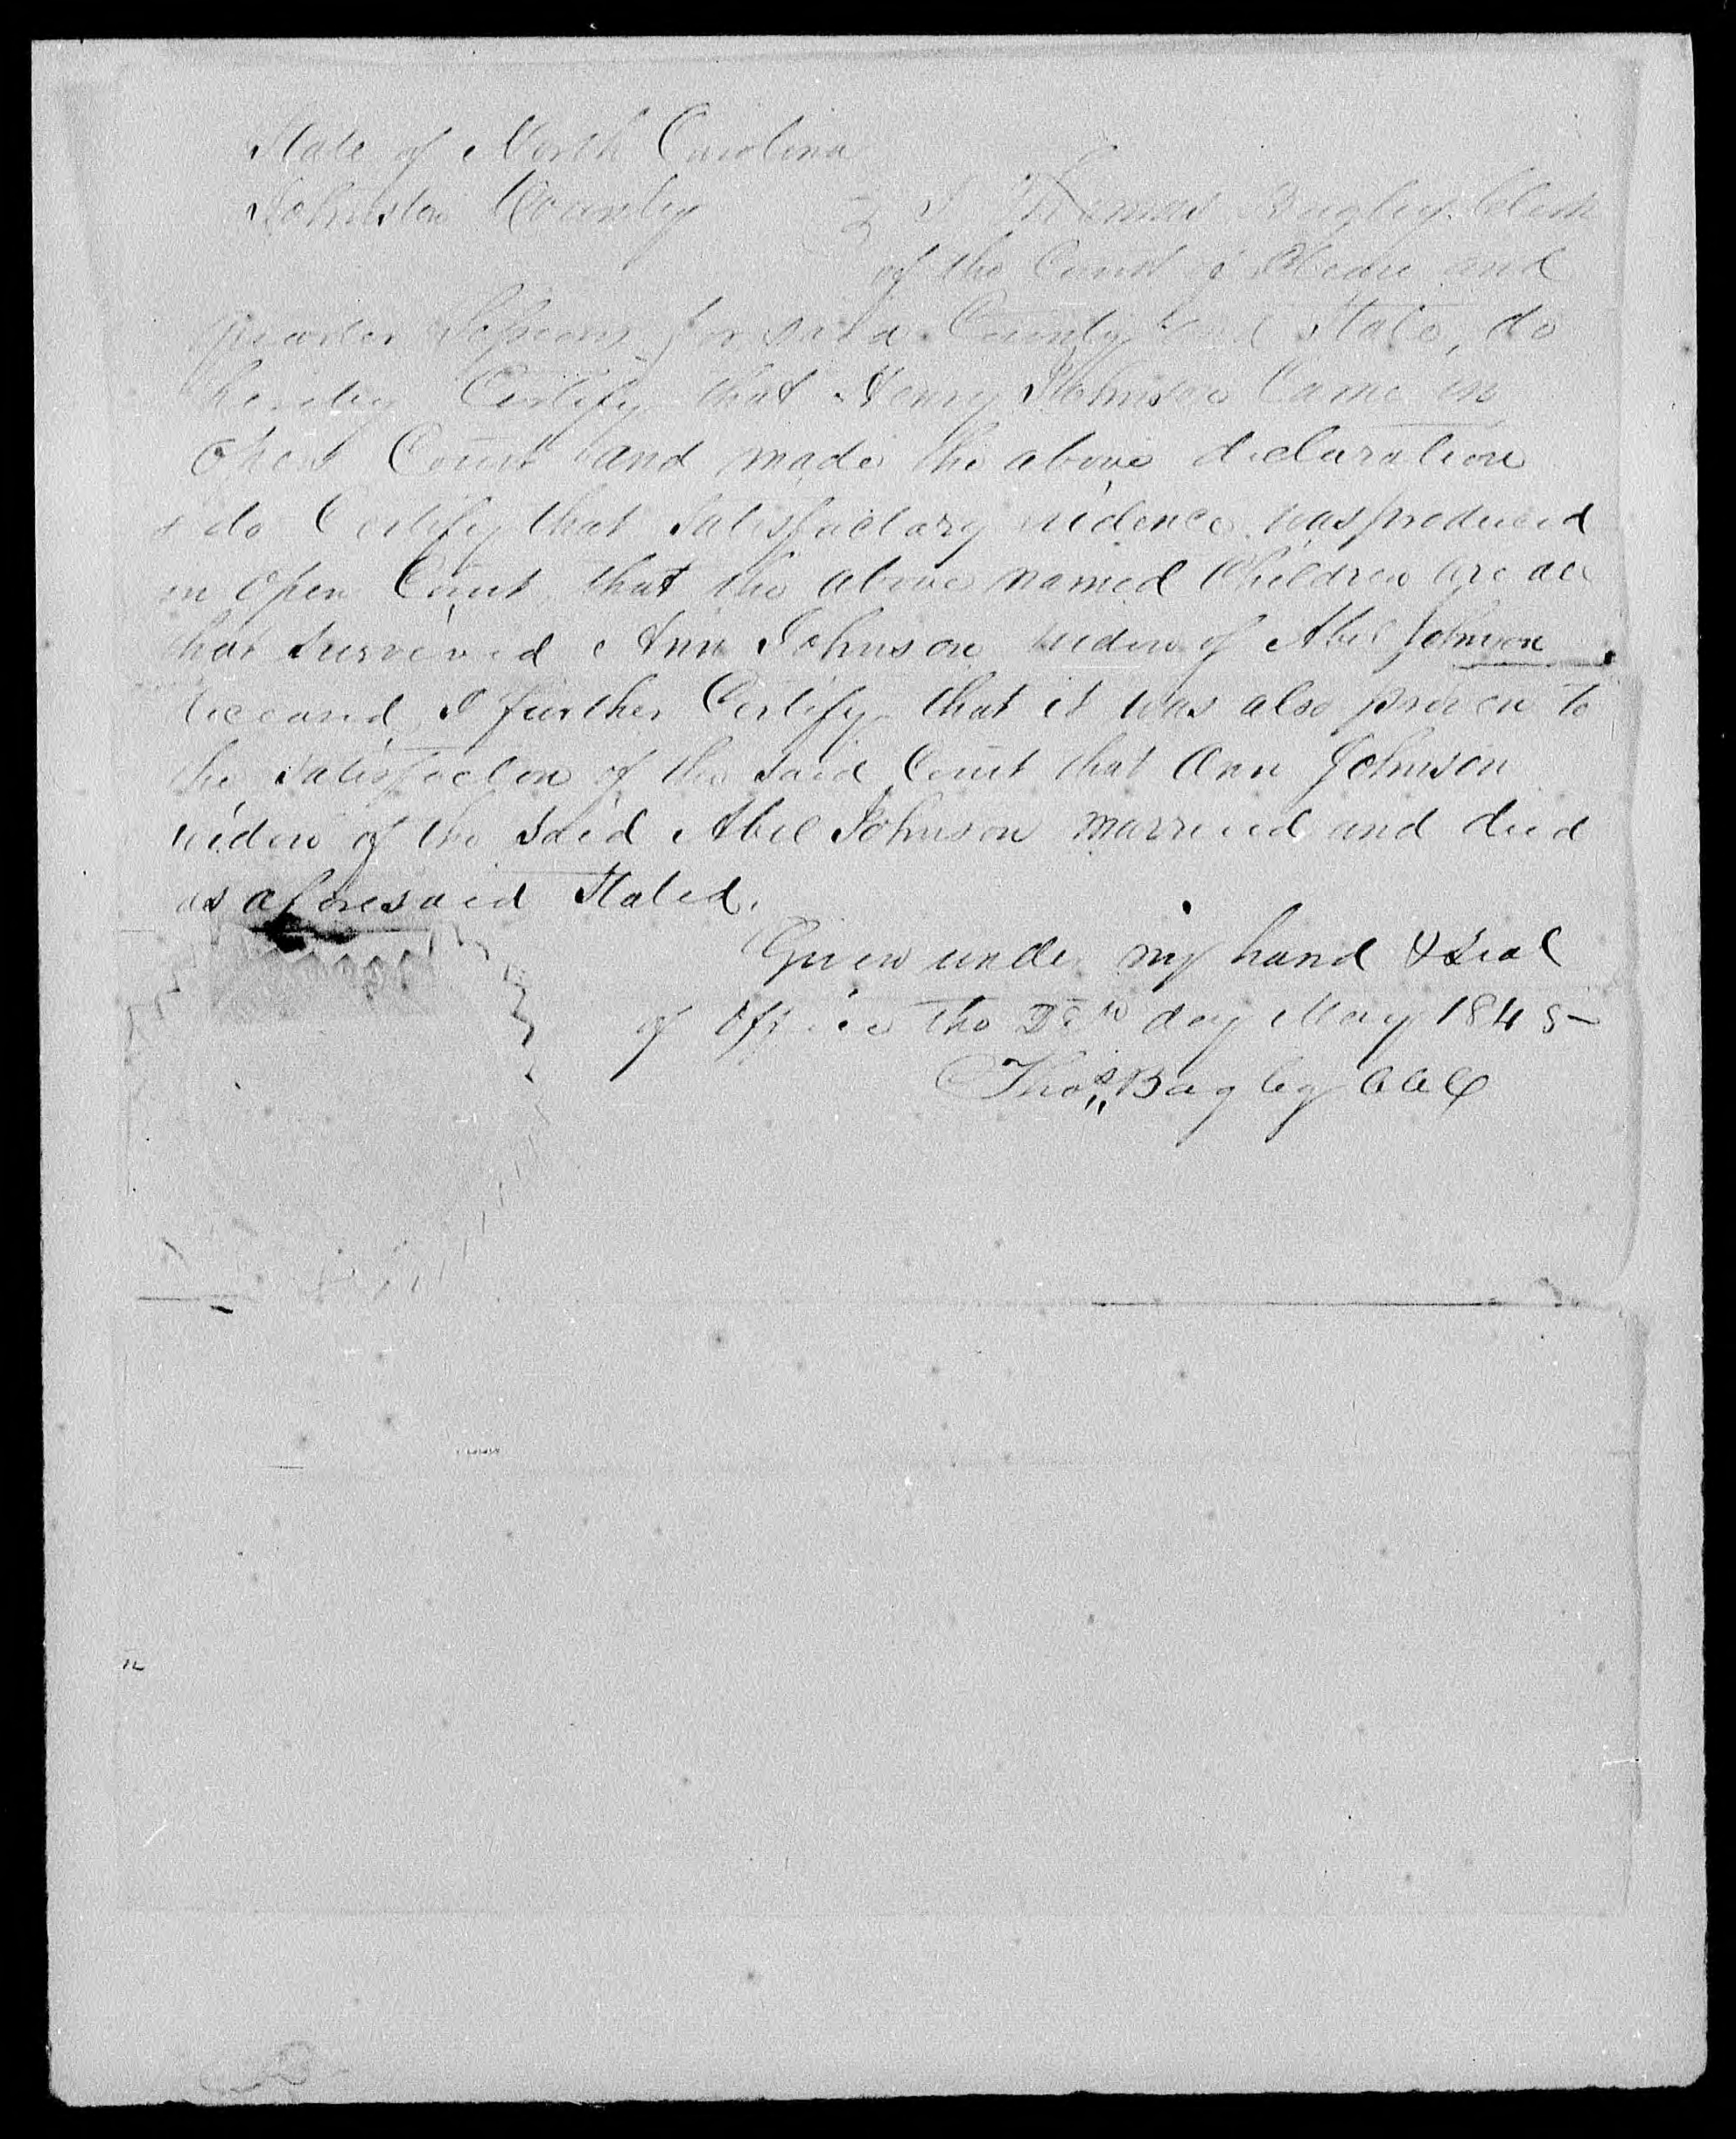State of North Carolina Johnston County}   I, Thomas Bagley Clerk of the Court of Pleas and Quarter Sessions for said County state, do hereby certify that Henry Johnston came in open Court and made the above declaration do certify that satisfactory evidence was produced in open Court that the above named children are all that survived Ann Johnson Widow of Abel Johnson deceased I further certify that it was also proven to the satisfaction of the said Court that Ann Johnson widow of the said Abel Johnson Married and died as aforesaid stated. Given under my hand & Seal of office the 28th day May 1845 Thos Bagley CCC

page: 26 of 74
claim: rejected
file: R. 5600, for Abel Johnson, North Carolina